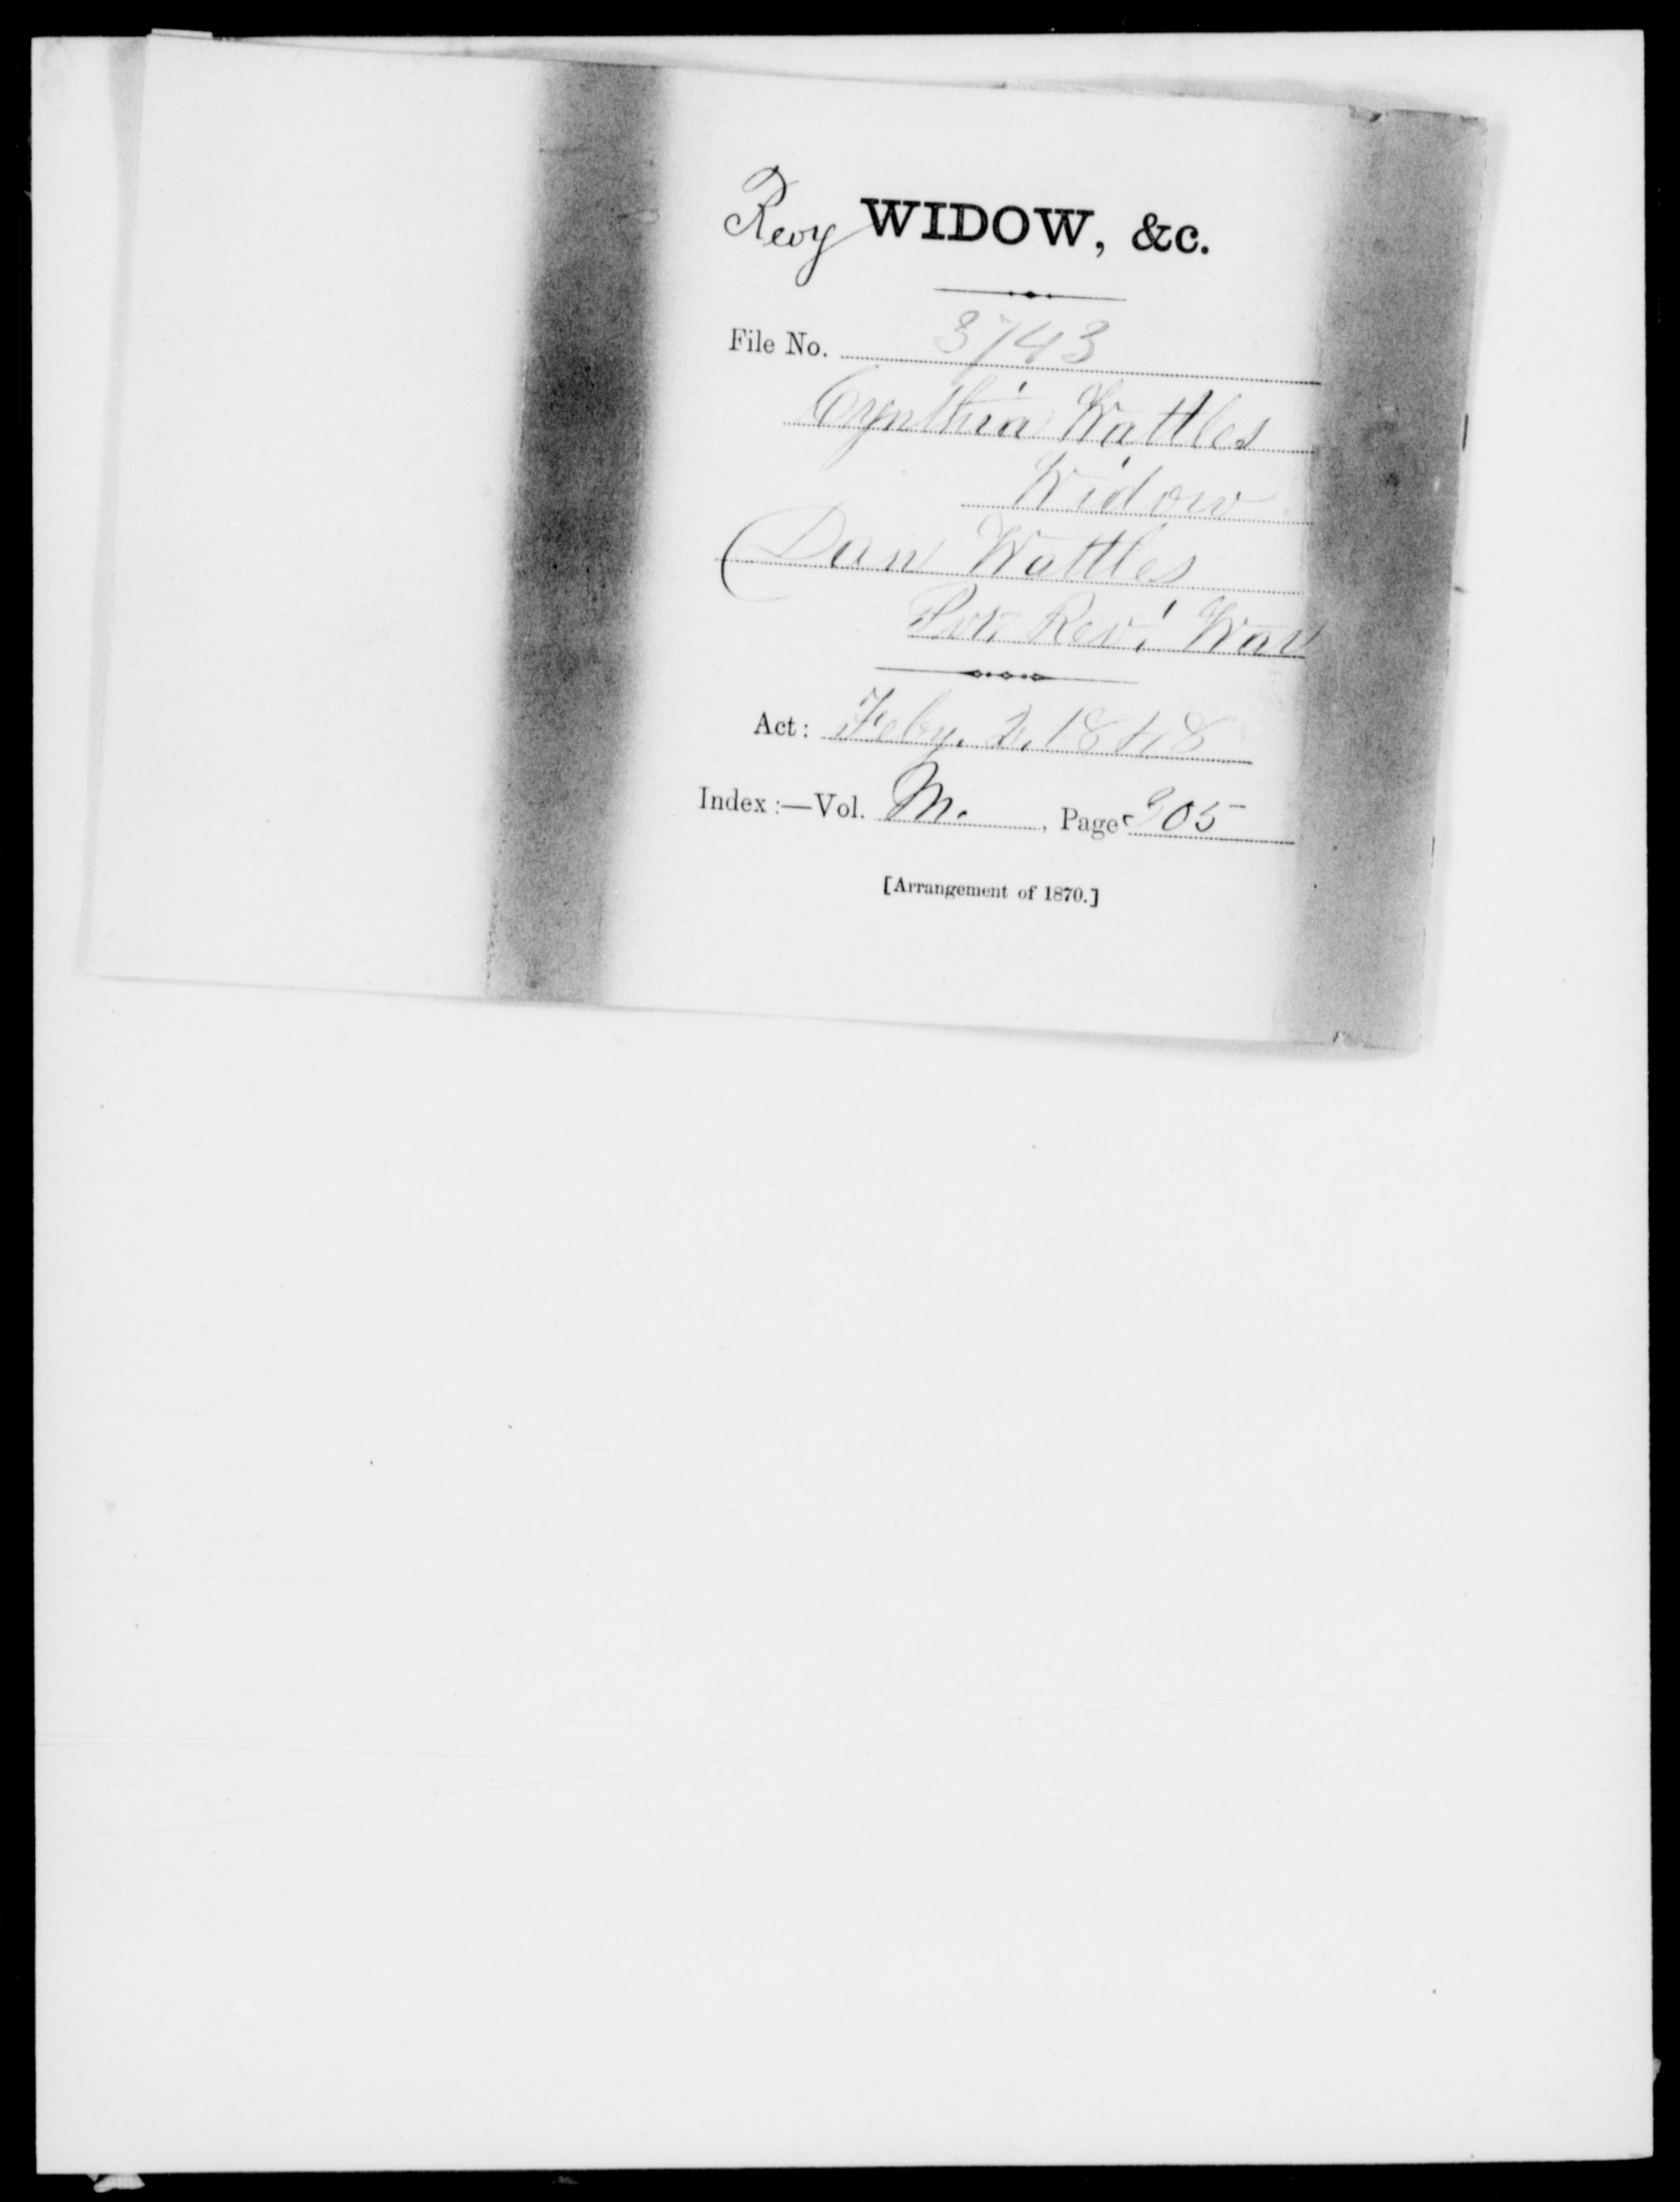Revy    
WIDOW, & c.
-------------
File No. 3743
Cynthia Wattles
Widow
Dan Wattles
Pvt. Rev: War
----------------
Act:  Feby. 2, 1848

Index: -- Vol.  M.,     Page 305

[Arrangement of 1870.]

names: Dan Wattles, Cynthia Wattles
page: 64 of 70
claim: widow's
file: W. 3743, Dan Wattles, Conn.